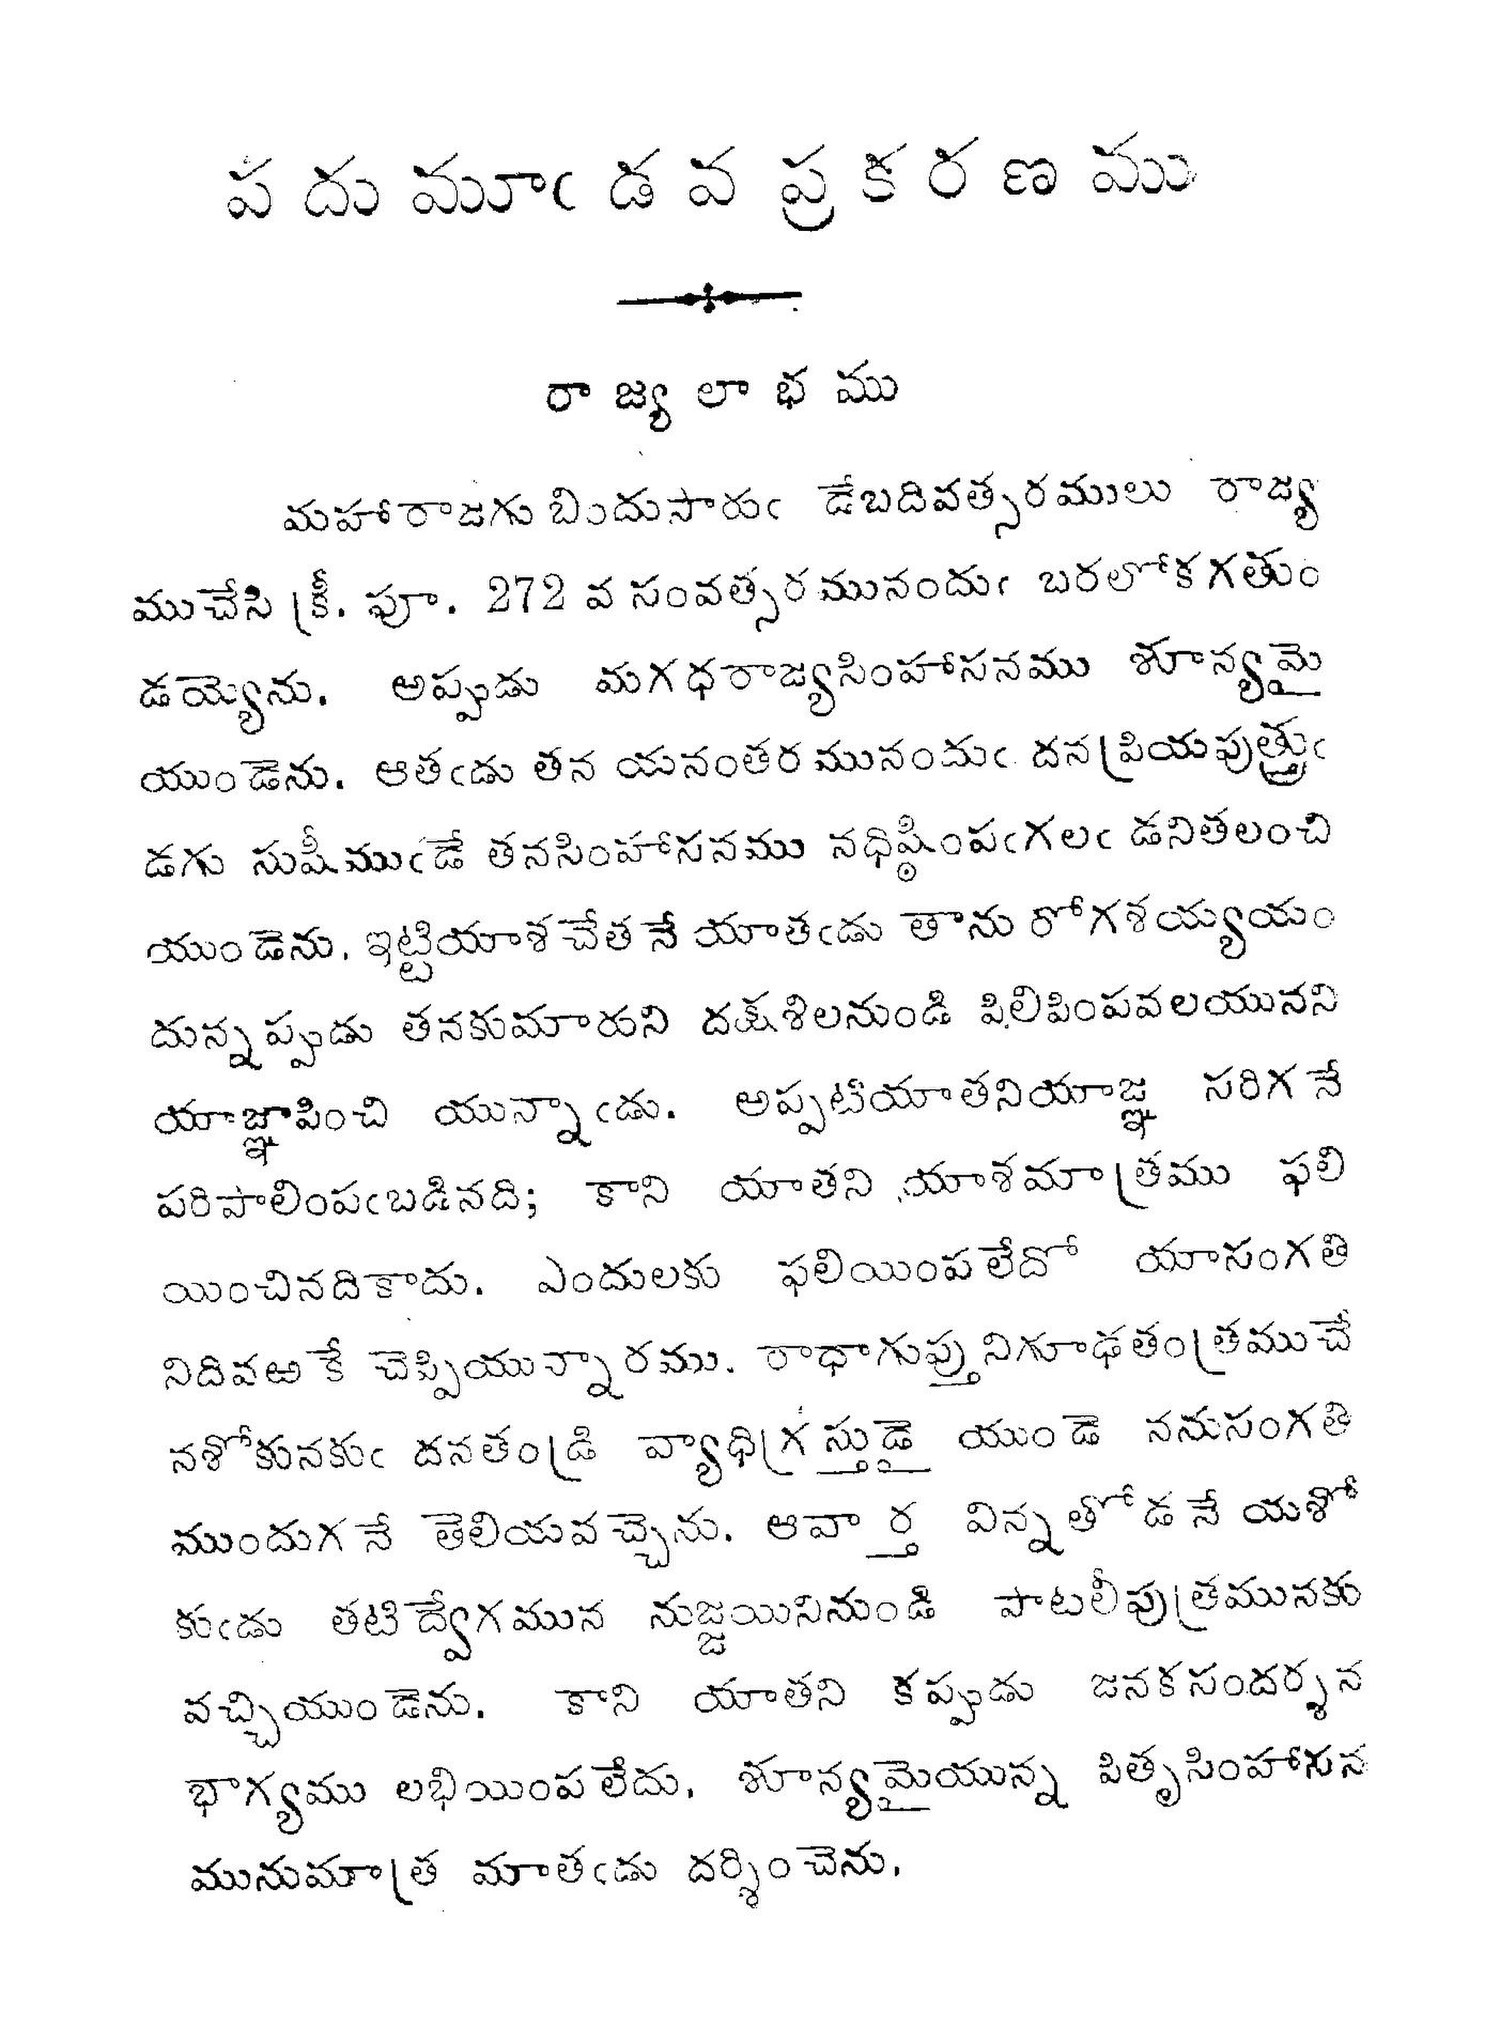పదుమూఁడవ ప్రకరణము

మహా రాజగు బిందుసారుఁ డేబదివత్సరములు రాజ్యము చేసి క్రీ. పూ. 272 వ సంవత్సరమునందుఁ బరలోక గతుండయ్యెను. అప్పుడు మగధరాజ్య సింహాసనము శూన్యమై
యుండెను. ఆతఁడు తన యనంతరమునందుఁ దన ప్రియ పుత్రుఁడగు సుషీముఁడే తనసింహాసనము నధిష్ఠింపఁగలఁ డనితలంచి యుండెను. ఇట్టియాశ చేత నే యాతఁడు తాను రోగశయ్య యందున్నప్పుడు తనకుమారుని దక్షశిలనుండి పిలిపింపవలయునని యాజ్ఞాపించి యున్నాడు. అప్పటియాతనియాజ్ఞ సరిగ నే పరిపాలింపఁబడినది; కాని యాతని యాశమాత్రము ఫలియించినది కాదు. ఎందులకు ఫలియింప లేదో యాసంగతి నిదివఱకే చెప్పియున్నారము,
రాధాగుప్తు నిగూఢతంత్రము చే నశోకునకుఁ దన తండ్రి వ్యాధి గ్రస్తుడై యుండె ననుసంగతి
ముందుగ నే తెలియవచ్చెను. ఆవార్త విన్న తోడ నే యశోకుఁడు తటి ద్వేగమున నుజ్జయినినుండి సాటలీపుత్రమునకు వచ్చియుండెను. కాని యాతని కప్పుడు జనక సందర్శన
భాగ్యము లభియింప లేదు, శూన్యమైయున్న పితృసింహాసనమునుమాత్ర మాతఁడు దర్శించెను.